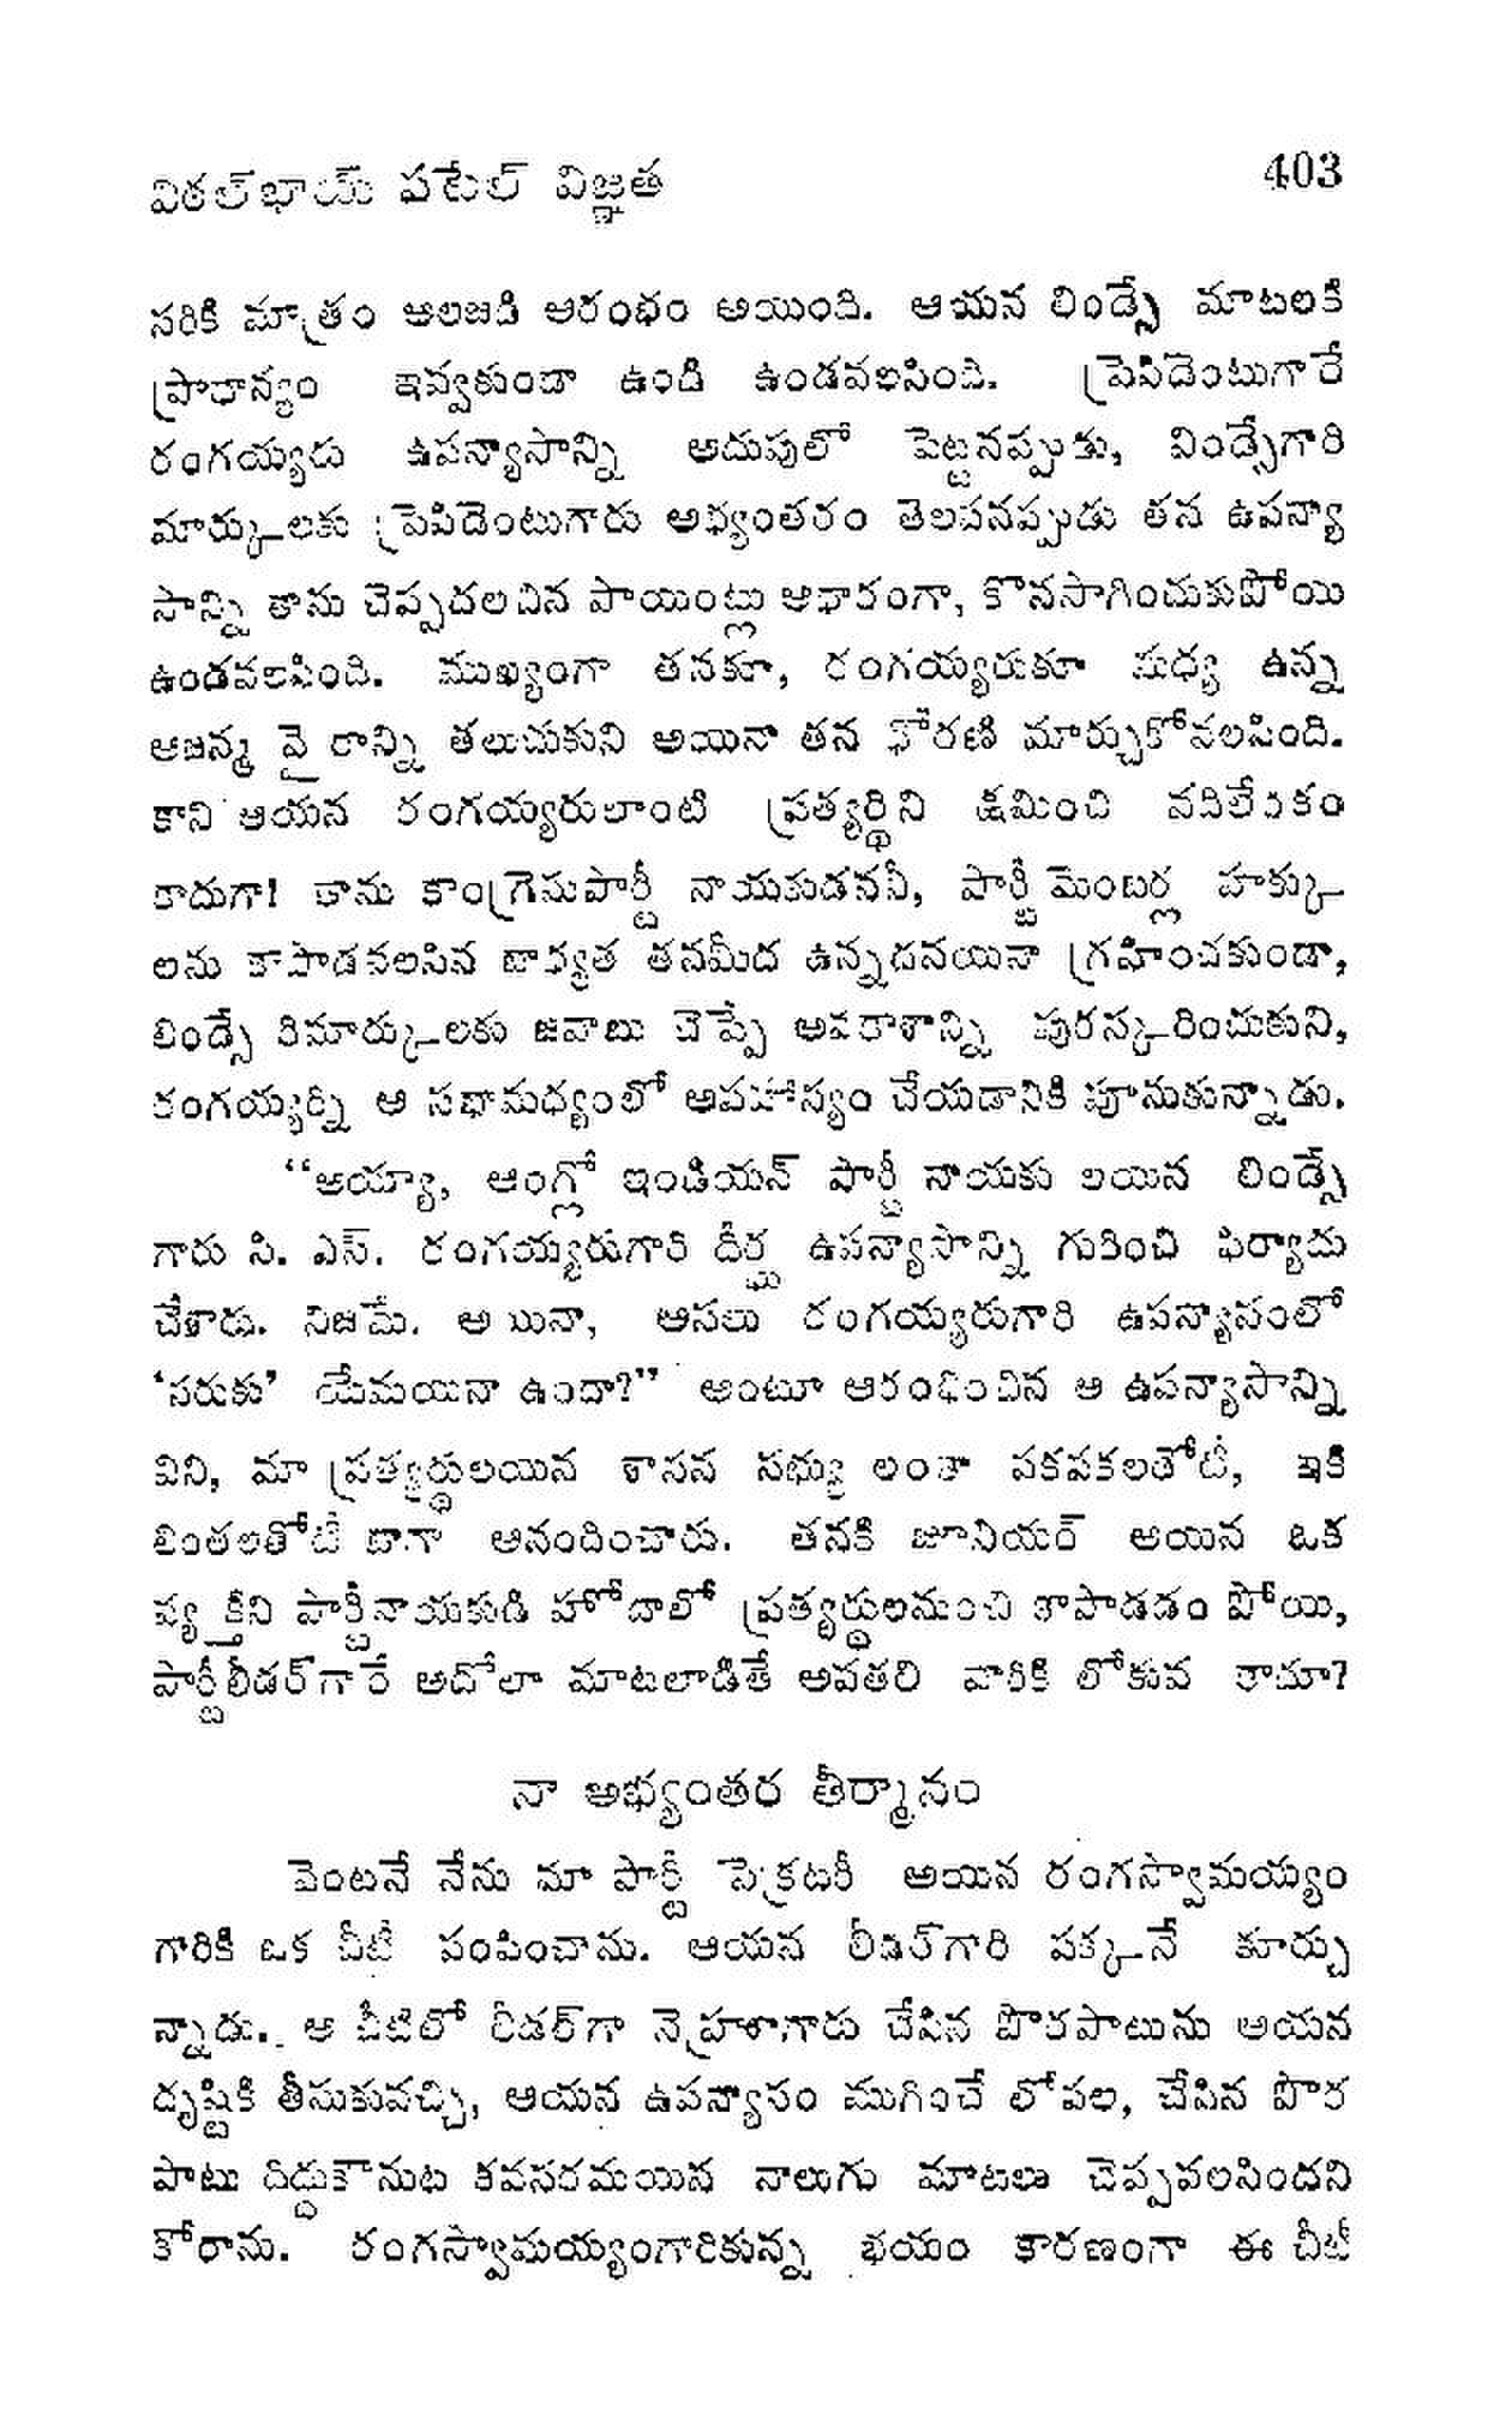సరికి మాత్రం అలజడి ఆరంభం అయింది. ఆయన లిండ్సే మాటలకి ప్రాధాన్యం ఇవ్వకుండా ఉండి ఉండవలసింది. ప్రెసిడెంటుగారే రంగయ్యరు ఉపన్యాసాన్ని అదుపులో పెట్టనప్పుడు, లిండ్సేగారి మార్కులకు ప్రెసిడెంటుగారు అభ్యంతరం తెలపనప్పుడు తన ఉపన్యాసాన్ని తాను చెప్పదలచిన పాయింట్లు ఆధారంగా, కొనసాగించుకుపోయి ఉండవలసింది. ముఖ్యంగా తనకూ, రంగయ్యరుకూ మధ్య ఉన్న ఆజన్మ వైరాన్ని తలుచుకుని అయినా తన ధోరణి మార్చుకోవలసింది. కాని ఆయన రంగయ్యరులాంటి ప్రత్యర్థిని క్షమించి వదిలేరకం కాదుగా! తాను కాంగ్రెసుపార్టీ నాయకుడననీ, పార్టీ మెంబర్ల హక్కులను కాపాడవలసిన బాధ్యత తనమీద ఉన్నదనయినా గ్రహించకుండా, లిండ్సే రిమార్కులకు జవాబు చెప్పే అవకాశాన్ని పురస్కరించుకుని, రంగయ్యర్ని అ సభామధ్యంలో అపహాస్యం చేయడానికి పూనుకున్నాడు.

"అయ్యా, ఆంగ్లో ఇండియన్ పార్టీ నాయకు లయిన లిండ్సేగారు సి. ఎస్. రంగయ్యరుగారి దీర్ఘ ఉపన్యాసాన్ని గురించి ఫిర్యాదు చేశారు. నిజమే, అయినా, అసలు రంగయ్యరుగారి ఉపన్యాసంలో 'సరుకు' యేమయినా ఉందా?" అంటూ ఆరంభించిన అ ఉపన్యాసాన్ని విని, మా ప్రత్యర్థులయిన శాసన సభ్యు లంతా పకపకలతోటీ, ఇకిలింతలతోటీ బాగా ఆనందించారు. తనకి జూనియర్ అయిన ఒక వ్యక్తిని పార్టీనాయకుడి హోదాలో ప్రత్యర్థులనుంచి కాపాడడం పోయి, పార్టీలీడర్‌గారే అదోలా మాటలాడితే అవతలి వారికి లోకువ కాదూ?

వెంటనే నేను మా పార్టీ సెక్రటరీ అయిన రంగస్వామయ్యంగారికి ఒక చీటీ పంపించాను. ఆయన లీడర్‌గారి పక్కనే కూర్చున్నాడు. అ చీటిలో లీడర్‌గా నెహ్రూగారు చేసిన పొరపాటును ఆయన దృష్టికి తీసుకువచ్చి, ఆయన ఉపన్యాసం ముగించే లోపల, చేసిన పొరపాటు దిద్దుకొనుట కవసరమయిన నాలుగు మాటలు చెప్పవలసిందని కోరాను. రంగస్వామయ్యంగారికున్న భయం కారణంగా ఈ చీటి